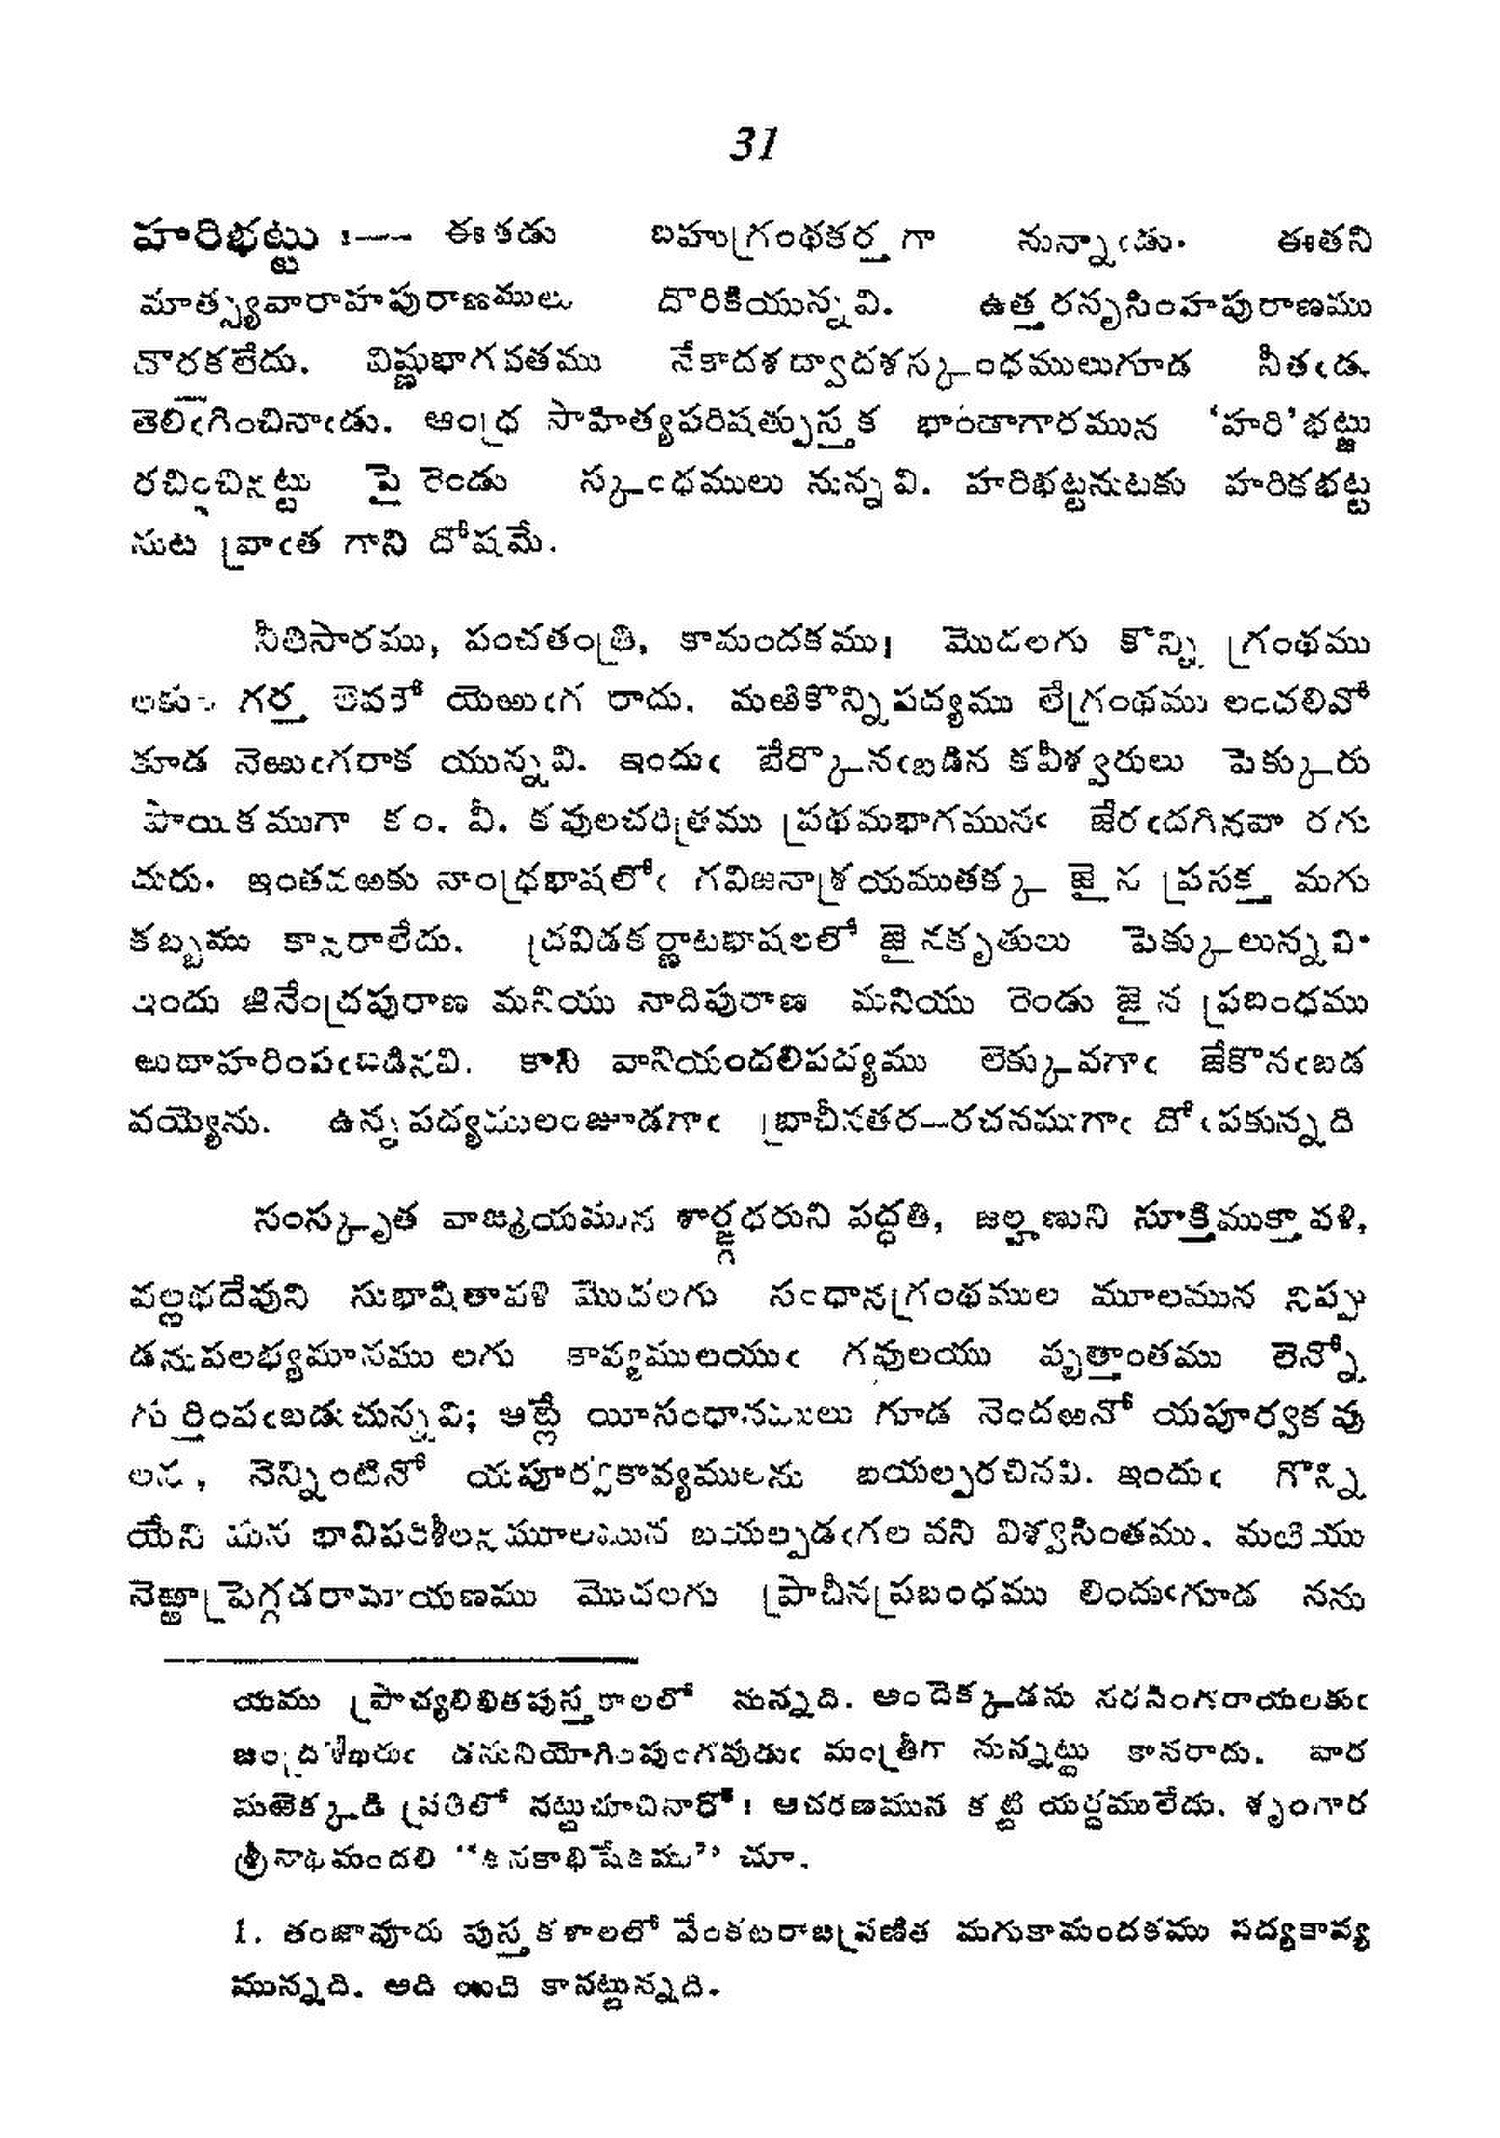ఈతడు
హరిభట్టు:-----బహుగ్రంథకర్త గా నున్నాఁడు. ఈతని
మాత్స్యవారాహపురాణములు దొరికియున్నవి. ఉత్తర నృసింహపురాణము
దొరక లేదు. విష్ణుభాగవతము నే కాదశ ద్వాదశ స్కంధములుగూడ నీతఁడు
తెలిఁగించినాఁడు. ఆంధ్ర సాహిత్యపరిషత్పుస్తక భాండాగారమున 'హరి' భట్టు
రచించినట్టు పై రెండు స్కంధములు నున్నవి. హరిభట్టనుటకు హరికభట్ట
సుట వ్రాఁత గాని దోషమే.

సితిసారము, పంచతంత్రి, కామందకము, మొదలగు కొన్ని గ్రంథము
లకు గర్త లేవనో యెఱుఁగ రాదు, మఱికొన్ని పద్యము లేగ్రంథము లందలివో
కూడ నెఱుఁగరాక యున్నవి. ఇందుఁ బేర్కొనఁబడిన కవీశ్వరులు పెక్కురు
పాయికముగా కం. వీ. కవులచరిత్రము ప్రథమభాగమునఁ జేరఁదగినవా రగు
దురు. ఇంతవఱకు నాంధ్రభాష లోఁ గవిజనాశ్రయముతక్క జైన ప్రసక్త మగు
కబ్బము కానరాలేదు. ద్రవిడకర్ణాటభాషలలో జైనకృతులు పెక్కులున్నవి.
ఇందు జినేంద్రపురాణ మనియు నాదిపురాణమనియు రెండు జైనప్రబంధము
బుదాహరింపఁబడినవి. కాని వానియందలిపద్యము లెక్కువగాఁ జేకొనఁబడ
వయ్యేను. ఉన్న పద్యములంజూడగాఁ బ్రాచీనతర రచనముగాఁ దో పకున్నది

సంస్కృత వాజ్మయమున జార్జ ధరుని పద్ధతి, జల్హణుని సూక్తి ముక్తా వళి,
వల్లభదేవుని సుభాషితావళి మొదలగు సంధాన గ్రంథముల మూలమున నిప్పుడను పలభ్యమాసము లగు కావ్యములయుఁ గవులయు వృత్తాంతము లెన్నోగుర్తింపఁబడు చున్నవి; అట్లే యీ సంధానములు గూడ నెందఱునో యపూర్వకవుల , నెన్నింటినో యపూర్వకావ్యములను బయల్పరచినవి. ఇందుఁ గొన్నియేని మన భావిపరిశీలన మూలన బయల్పడఁగల వని విశ్వసింతము, మటియు నెట్టా పెగ్గడరామాయణము మొదలగు ప్రాచీన ప్రబంధము లిందుఁగూడ నను

యము ప్రాచ్యలిఖిత పుస్తకాలలో సున్నది. అందెక్కడను సరసింగరాయలకుఁ
జంద్రశేఖరుఁ డసు నియోగిపుంగవుడుఁ మంత్రిగా నున్నట్లు కానరాదు.
మఱెక్కడి ప్రతిలో నట్టు చూచినారో ! ఆచరణమున కట్టి యర్ధములేదు. శృంగార శ్రీనాథమందలి " కనకాభిషేకము చూ,
\
1. తంజావూరు పుస్తకళాలలో వేంకటరాజప్రణీత మగుకామందకము పద్యకావ్య
మున్నది. అది యిది కానట్టున్నది.